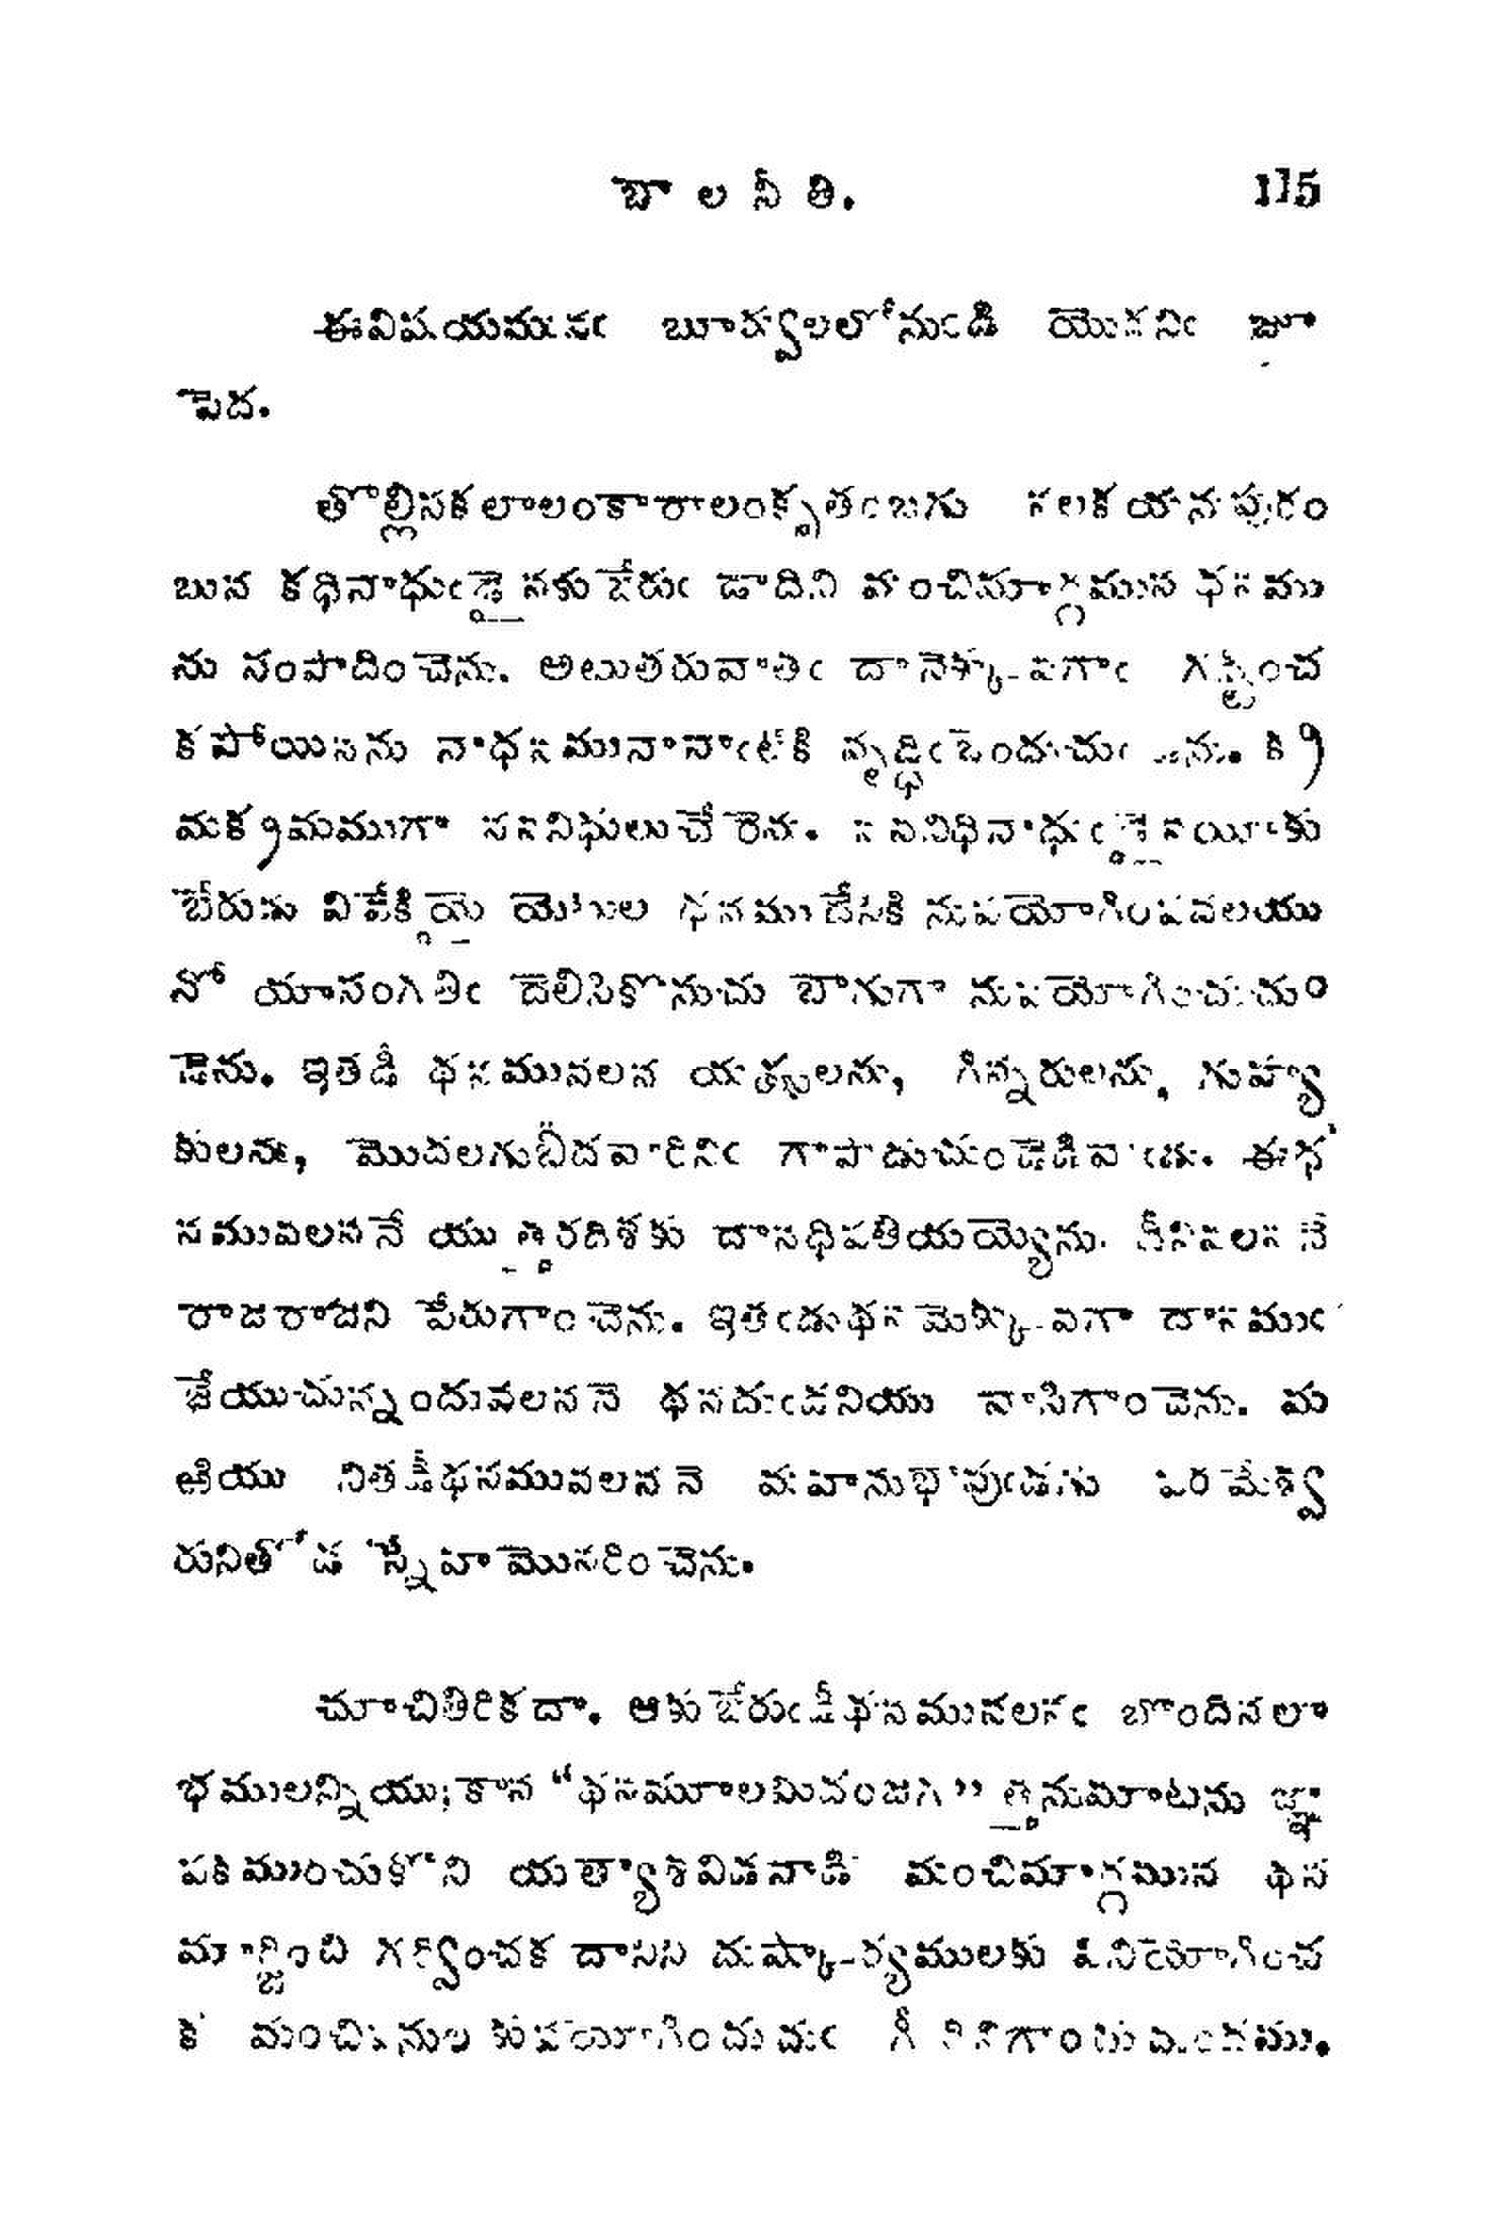ఈవిషయమునఁ బూర్వులలోనుండి యొకనిఁ జూ
పెద.

తొల్లిసకలాలంకారాలంకృతంబగు నలకయనుపురం 
బున కధినాధుఁడైనకుబేరుఁ డాదిని మంచిమార్గమున ధనము
ను సంపాదించెను. అటుతరువాతఁ దానెక్కువగాఁ గష్టించ
కపోయినను నాధనమునానాఁటికి వృద్ధిఁజెందుచుండెను. క్ర
మక్రమముగా నవనిధులుచేరెను. నవనిధినాధుఁడైన యీకు
బేరుడు వివేకియై యెటుల ధనముదేనికి నుపయోగింపవలయు
నో యాసంగతిఁ దెలిసికొనుచు బాగుగా నుపయోగించుచుం
డెను. ఇతడీ ధనమువలన యక్షులను, గిన్నరులను, గుహ్య
కులను, మొదలగుబీదవారినిఁ గాపాడుచుండెడివాఁడు. ఈధ
నమువలననే యుత్తరదిశకు దానధిపతియయ్యెను. దీనివలననే 
రాజరాజని పేరుగాంచెను. ఇతఁడుధనమెక్కువగా దానముఁ
జేయుచున్నందువలననె ధనదుఁడనియు వాసిగాంచెను. మ
ఱియు నితడీధనమువలననె మహానుభావుడగు పరమేశ్వ
రునితోడ స్నేహమొనరించెను.
 
చూచితిరికదా. ఆకుబేరుఁడీధనమువలనఁ బొందినలా
భములన్నియు, కాన "ధనమూలమిదంజగ"త్తనుమాటను జ్ఞా
పకముంచుకొని యత్యాశవిడనాడి మంచిమార్గమున ధన
మార్జించి గర్వించక దానిని దుష్కార్యములకు వినియోగించ
క మంచిపనుల కుపయోగించుచుఁ గీర్తినిగాంచుచుందము.